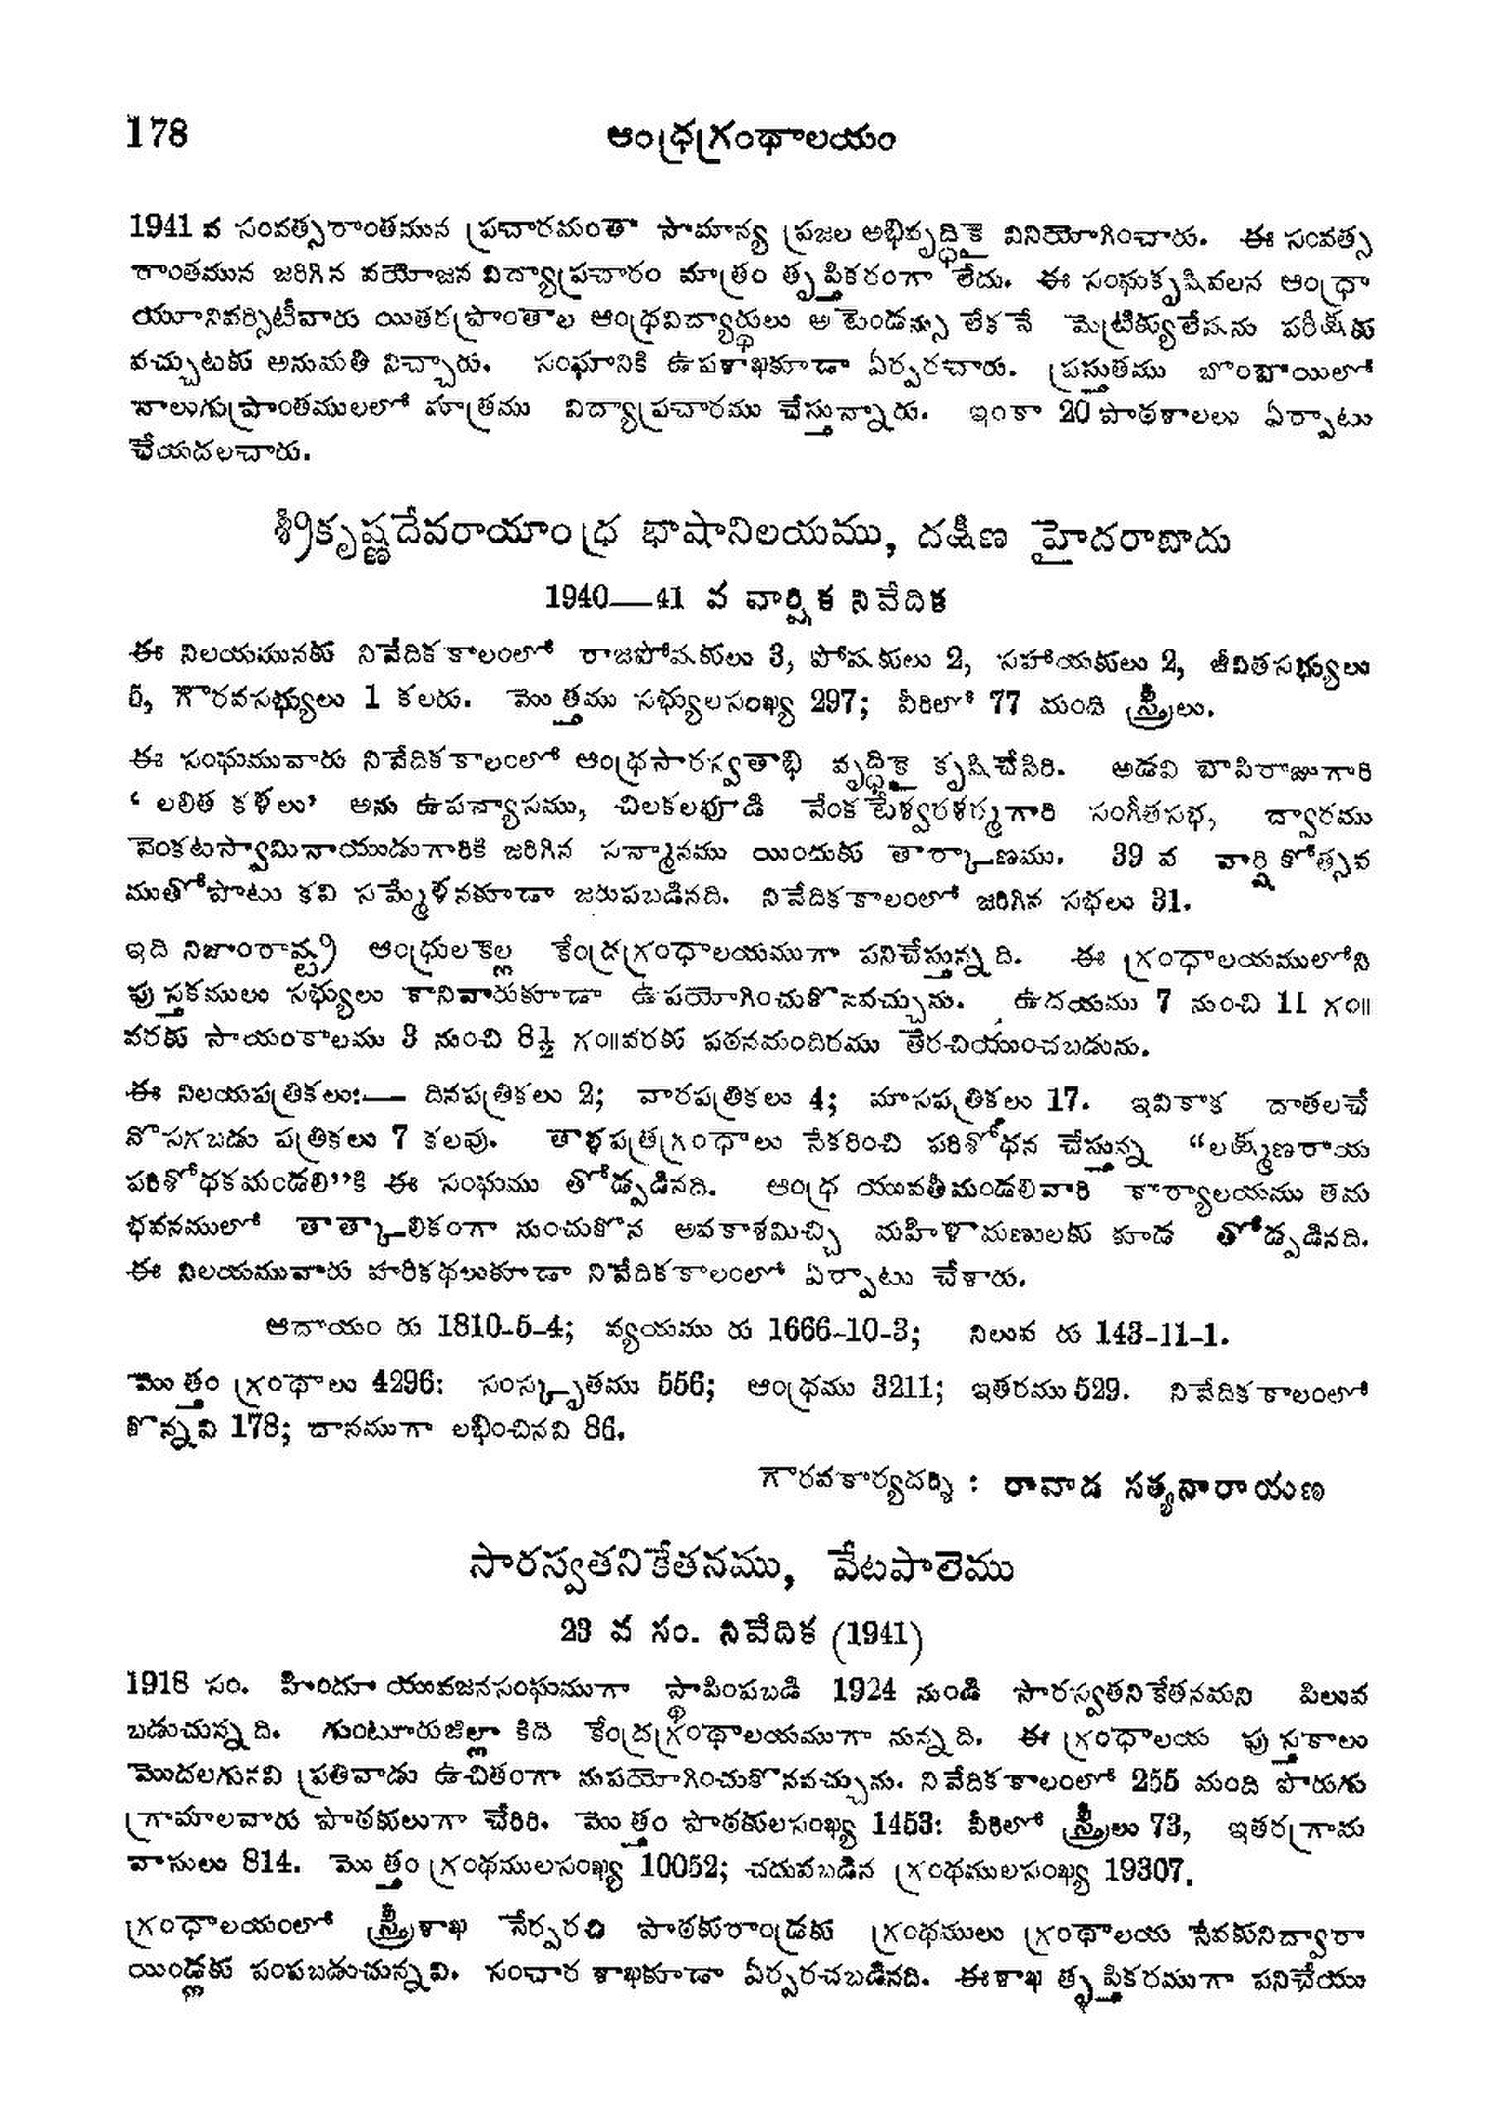1941 వ సంవత్సరాంతమున ప్రచారమంతా సామాన్య ప్రజల అభివృద్ధికై వినియోగించారు. ఈ సంవత్సరా౦తమున జరిగిన 
వయోజన విద్యాప్రచారం మాత్రం తృప్తికరంగా లేదు. ఈ సంఘకృషివలన ఆంధ్రా యూనివర్సిటీవారు యితర ప్రాంతాల 
ఆంధ్రవిద్యార్థులు అటెండన్సు లేకనే మెట్రిక్యులేషను పరీక్షకు వచ్చుటకు అనుమతి నిచ్చారు. సంఘానికి ఉపశాఖకూడా 
ఏర్పరచారు. ప్రస్తుతము బొంబాయిలో నాలుగు ప్రాంతములలో మాత్రము విద్యాప్రచారము చేస్తున్నారు. ఇంకా 20 పాఠశాలలు
ఏర్పాటు చేయదలచారు.

ఈ నిలయమునకు నివేదిక కాలంలో రాజపోషకులు 3, పోషకులు 2, సహాయకులు 2, జీవితసభ్యులు 5, గౌరవసభ్యులు 1 కలరు. మొత్తము సభ్యుల సంఖ్య 297; వీరిలో 77 మంది స్త్రీలు.

ఈ సంఘమువారు నివేదిక కాలంలో ఆంధ్రసారస్వతాభి వృద్ధికై కృషి చేసిరి. అడవి బాపిరాజు గారి 'లలిత కళలు' అను 
ఉపన్యాసము, చిలకలపూడి వెంక టేశ్వరశర్మగారి సంగీతసభ, ద్వారము వెంకటస్వామి నాయుడుగారికి జరిగిన సన్మానము 
యిందుకు తార్కాణము. 39వ వార్షికోత్సవముతో పాటు కవి సమ్మేళనకూడా జరుపబడినది. నివేదిక కాలంలో జరిగిన సభలు 31.

ఇది నిజాంరాష్ట్ర ఆంధ్రులకెల్ల కేంద్రగ్రంధాలయముగా పనిచేస్తున్నది. ఈ గ్రంధాలయములోని పుస్తకములు సభ్యులు కానివారుకూడా ఉపయోగించుకొనవచ్చును. ఉదయము 7 నుంచి 11 గ౦॥ వరకు సాయంకాలము 3 నుంచి 8 1/2 గం॥ వరకు పఠనమందిరము తెరచియుంచబడును.

ఈ నిలయపత్రికలు: — దినపత్రికలు 2; వారపత్రికలు 4; మాసపత్రికలు 17. ఇవికాక దాతలచే నొసగబడు 
పత్రికలు 7 కలవు. తాళపత్రగ్రంధాలు సేకరించి పరిశోధన చేస్తున్న “లక్ష్మణరాయ పరిశోధకమండలి"కి ఈ సంఘము తోడ్పడినది. 
ఆంధ్ర యువతీ మండలి వారి కార్యాలయము తమ భవనములో తాత్కాలికంగా నుంచుకొని అవకాశమిచ్చి మహిళామణులకు కూడ తోడ్పడినది. ఈ నిలయమువారు హరికథలు కూడా నివేదిక కాలంలో ఏర్పాటు చేశారు.

ఆదాయం రు 1810-5-4; వ్యయము రు 1666-10-3; నిలువ రు. 143-11-1.
మొత్తం గ్రంథాలు 4296: సంస్కృతము 556; ఆంధ్రము 3211; ఇతరము 529. నివేదిక కాలంలో కొన్నవి 178; దానముగా 
లభించినవి 86.

1918 సం. హిందూ యువజనసంఘముగా సాపింపబడి 1924 నుండి సారస్వతనికేతనమని పిలువ బడుచున్నది. గుంటూరు 
జిల్లా కిది కేంద్రగ్రంథాలయముగా నున్నది. ఈ గ్రంధాలయ పుస్తకాలు మొదలగునవి ప్రతివాడు ఉచితంగా 
నుపయోగించుకొనవచ్చును. నివేదిక కాలంలో 255 మంది పొరుగు గ్రామాలవారు పాఠకులుగా చేరిరి. మొత్తం పాఠకుల 
సంఖ్య 1453: వీరిలో స్త్రీలు 73, ఇతర గ్రామవాసులు 814. మొత్తం గ్రంథముల సంఖ్య 10052; చదువబడిన గ్రంథముల 
సంఖ్య 19307.

గ్రంధాలయంలో స్త్రీశాఖ నేర్పరచి పాఠకురాండ్రకు గ్రంథములు గ్రంథాలయ సేవకునిద్వారా యిండ్లకు పంపబడుచున్నవి. 
సంచార శాఖకూడా ఏర్పరచబడినది. ఈ శాఖ తృప్తికరముగా పనిచేయు